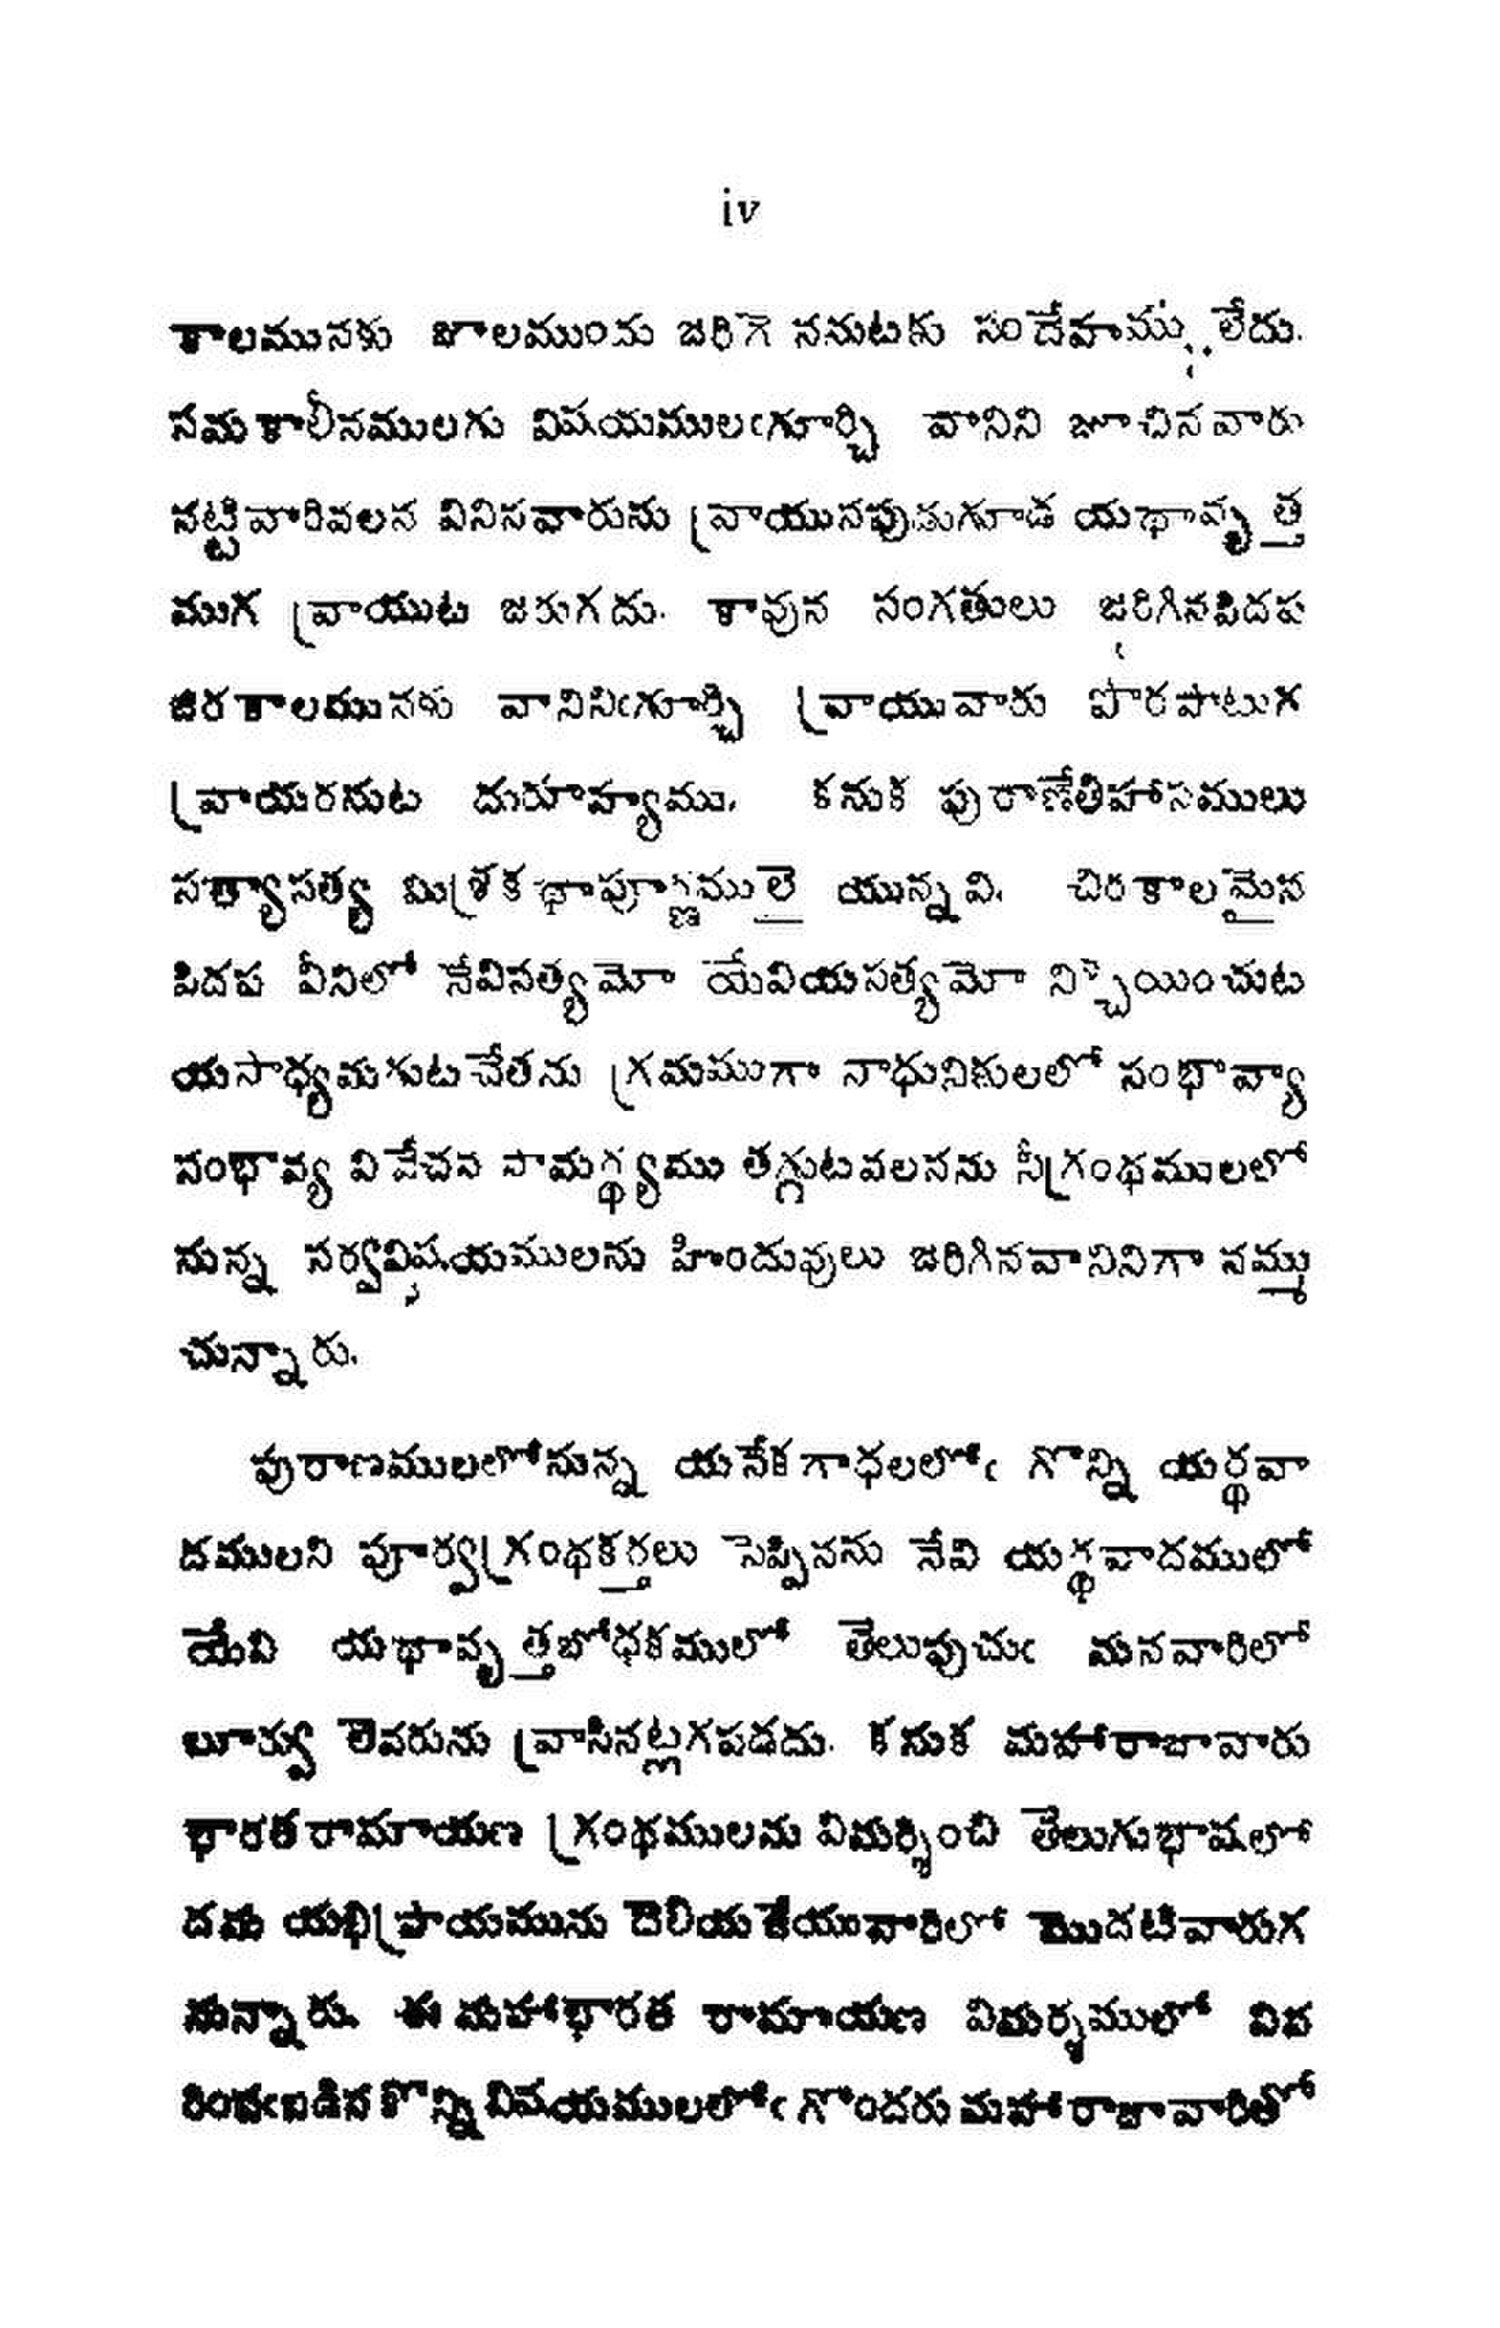కాలమునకు జాలముందు జరిగె ననుటకు సందేహము లేదు. సమకాలీనములగు విషయములఁగూర్చి వానిని జూచినవారు నట్టివారివలన వినినవారును వ్రాయునపుడుగూడ యథావృత్తముగ వ్రాయుట జరుగదు. కావున సంగతులు జరిగినపిదప జిరకాలమునకు వానినిఁగూర్చి వ్రాయువారు పొరపాటుగ వ్రాయరనుట దురూహ్యము. కనుక పురాణేతిహాసములు
సత్యాసత్య మిశ్రకథాపూర్ణములై యున్నవి. చిరకాలమైన పిదప వీనిలో నేవిసత్యమో యేవియసత్యమో నిశ్చయించుట యసాధ్యమగుటచేతను గ్రమముగా నాధునికులలో సంభావ్యా సంభావ్య వివేచన సామర్థ్యము తగ్గుటవలనను నీగ్రంథములలో నున్న సర్వ విషయములను హిందువులు జరిగినవానినిగా నమ్ముచున్నారు.

పురాణములలోనున్న యనేకగాధలలోఁ గొన్ని యర్థవాదములని పూర్వగ్రంథకర్తలు సెప్పినను నేవి యర్థవాదములో యేవి యథావృత్తబోధకములో తెలుపుచుఁ మనవారిలో బూర్వు లెవరును వ్రాసినట్లగపడదు. కనుక మహారాజావారు భారతరామాయణ గ్రంథములను విమర్శించి తెలుగుభాషలో దమ యభిప్రాయమును దెలియజేయువారిలో మొదటివారుగ నున్నారు. ఈ మహాభారత రామాయణ విమర్శములో వివరింపఁబడిన కొన్ని విషయములలోఁ గొందరు మహారాజావారితో